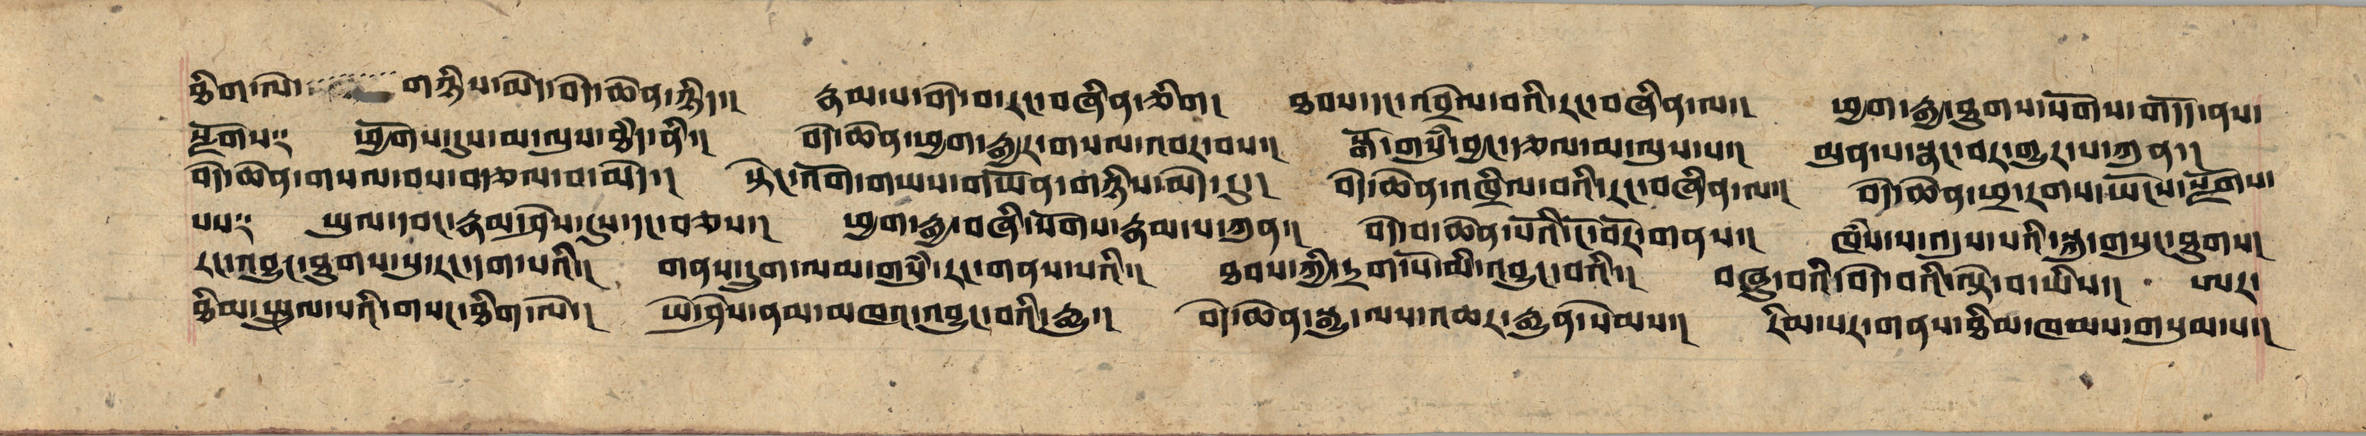ཐིག་ལེ་་་་་་་་་གཉིས་མེད་བདེ་ཆེན་ཉིད་། རྣམ་པ་བདེ་བ་རང་བཞིན་ཅིག། ཐབས་དང་འབྲེལ་བའི་རང་བཞིན་ལ་། ཕྱག་རྒྱ་ཐུགས་སོགས་གདོད་ནས་
སྫོགས༑ ཕྱོགས་དུས་མ་ལུས་ཐཾད་ནི་། བདེ་ཆེན་ཕྱག་རྒྱར་གསལ་འབར་བས་། སྒོ་གསུཾ་བྱང་རྩལ་མ་ལུས་པ་། མུན་པ་སྣང་བར་གྱུར་པ་ཀུན་།
བདེ་ཆེན་གསལ་བས་བརྩལ་བ་མེད་། སྟེང་འོག་གཡས་གཡོན་གཉིས་མེད་དུ་། བདེ་ཆེན་འཁྲིལ་བའི་རང་བཞིན་ལ་། བདེ་ཆེན་ཕྲ་རགས་ཡོངས་སྫོགས་
པས༑ ཡུལ་དབང་རྣམ་ཤེས་དུས་དང་བཅས་། ཕྱག་རྒྱ་བཞི་སོགས་རྣམ་པ་ཀུན་། བདེ་བ་ཆེན་པོའི་ངོ་བོར་གནས་། ཁཾས་ས་འདུས་པའི་སྐུ་གསུང་ཐུགས་།
རང་འབྱུང་ཐུགས་སུ་རང་དག་པའི་། གནས་དྲུག་ལམ་གསུཾ་རང་གནས་པའི་། ཐབས་ཀྱི་དྲག་པོ་མི་འབྱུང་བའི་། བཞུ་བའི་བདེ་བའི་ལྟེ་བ་ཡིས་། ཨར་
ཐིམ་སྤྲུལ་པའི་གསང་ཐིག་ལེ་། ཡེ་ཤེས་ནམ་མཁའ་འབྱུང་བའི་རྒྱུ་། བདེ་ཆེན་སྒྱུ་ལས་འཆར་རྒྱུན་སེམས་། རིམ་པར་གནས་ཐིམ་ཁམས་གསུམ་པ་།